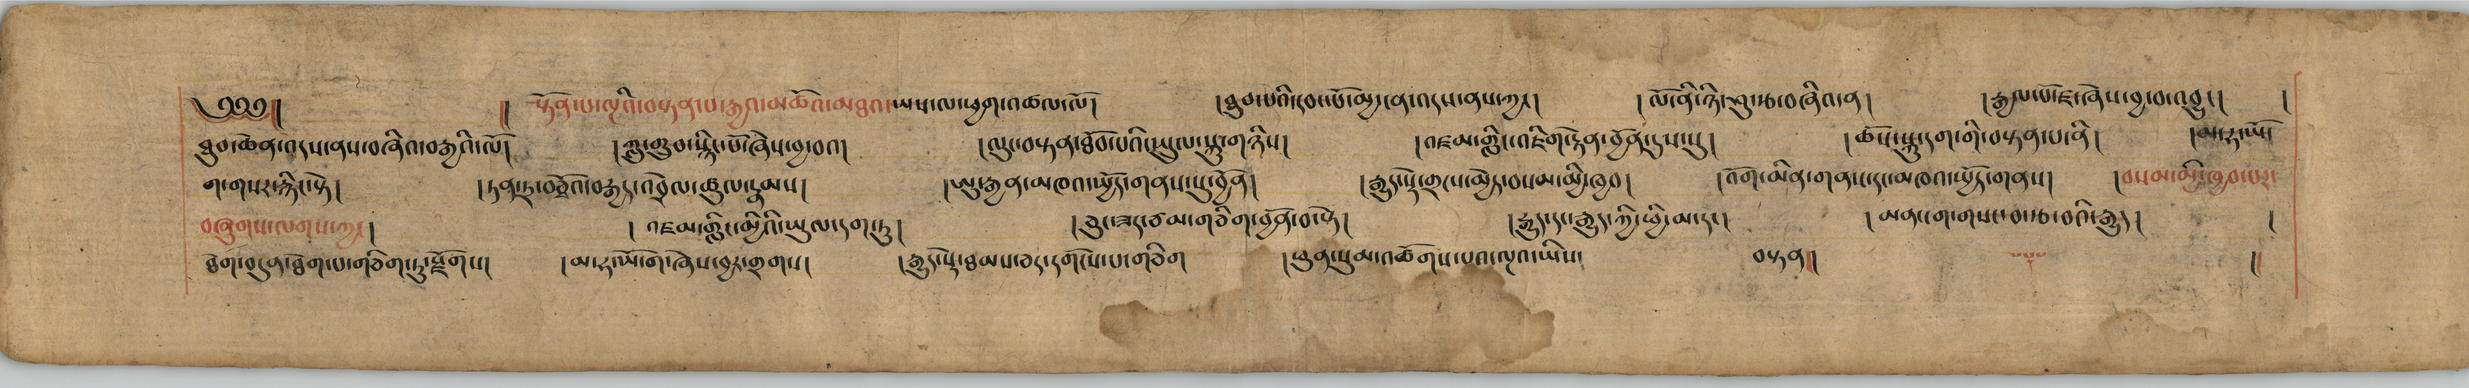༄༅༅།། །། སྟོན་པ་ལྔའི་བསྟན་པ་རྒྱའ་མཚོའ་མཐའ་ཡས་ལ་ཕྱག་འཚལ་ལོ། །ཐུབ་པའི་དབང་པོ་འདས་ནས་ཀྱང། །ལོ་ནི་ཉི་ཤུ་རྩ་བཞིའ་ན། །རྒྱལ་པོ་ཛ་ཞེས་བྱ་བ་འབྱུང།
ཐུབ་ཆེན་འདས་ནས་བཞིའ་བརྒྱའི་ལོ། །ཀླུ་གྲུབ་སྙིང་པོ་ཞེས་བྱ་བའ། །ལུང་བསྟན་ཐོབ་པའི་སྤྲུལ་སྐུ་གཉིས། །འཛམ་གླིང་འཇིག་རྟེན་བྱོན་དུས་སུ། །ཆོས་སྐུ་དག་གི་བསྟན་པ་ནི། །མ་ཧ་ཡོ་
ག་གསར་རྙིང་སྟེ། །ཏན་ཏྲ་བཅྭོའ་བརྒྱས་འབྲེལ་ཚུལ་རྣམས། །ཨུ་རྒྱན་མཁའ་སྤྱོད་གནས་སུ་བྱོན། །རྒྱུད་སྡེ་གྲངས་མྱེད་བསམ་མྱི་ཁྱབ། །འོག་མིན་གནས་དང་མཁའ་སྤྱོད་གནས། །བསམ་མྱི་ཁྱབ་པར་
བཞུགས་ལགས་ཀྱང། །འཛམ་གླིང་མྱིའི་ཡུལ་དག་ཏུ། །ཅུང་ཟད་ཙམ་གཅིག་བྱོན་བ་སྟེ། །རྒྱུད་དང་རྒྱུད་ཀྱི་ཕྱི་མ་དང། །མན་ངག་གསང་བ་རྩ་བའི་རྒྱུད།
ཐེག་བདུན་ཐེག་པ་གཅིག་ཏུ་སྫོགས། །མ་ཧ་ཡོ་ག་ཞེས་བྱར་གྲགས། །རྒྱུད་སྡེ་ཐམས་ཅད་དགོངས་པ་གཅིག །ཕུན་སུམ་འཚོགས་པའ་ལྔའ་ཡིས། བསྟན།།